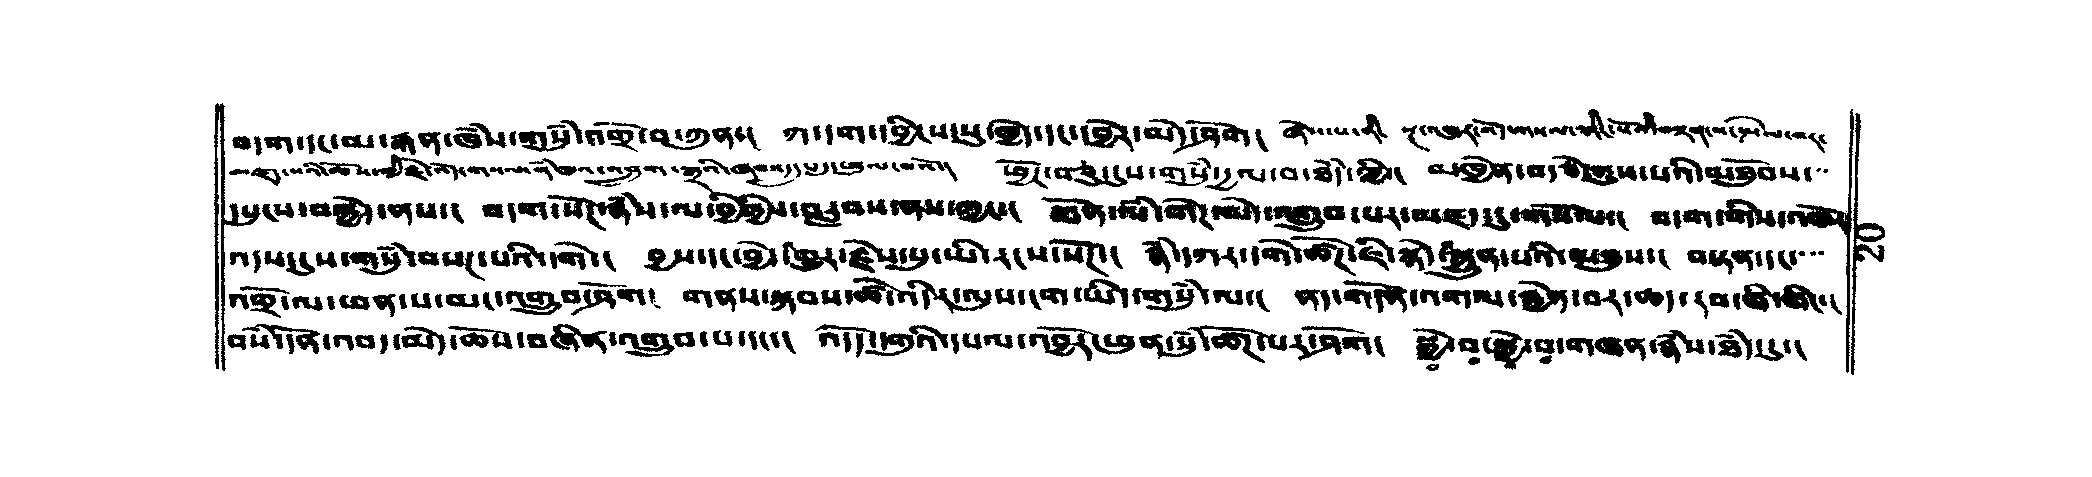།བདག་དང་མ་རྒན་ཁམས་གསུམ་འགྲོ་བ་ཀུན། །ཀ་དག་དབྱིངས་སུ་ཁྱེད་དང་དབྱེར་མེད་ཤོག ཅེས་པ་འདི་ནི། སྔ་འགྱུར་འོད་གསལ་སྙིང་པོའི་བསྟན་པ་སྤེལ་བར་
མཛད་པའི་ཆོས་ཀྱི་རྗེ་འོད་གསལ་ནམ་མཁའ་འབྲུག་སྒྲའི་ཞབས་དྲུང་དུ་ཕུལ་བའོ། ། ཕྱོགས་བཅུ་དུས་གསུམ་རྒྱལ་བ་ཐམས་ཅད་ཀྱི། །མཁྱེན་བརྩེ་ནུས་པའི་མཐུ་སྟོབས་
དཔུངས་བསྐྱེད་ནས། །བདག་སོགས་རྣམས་ལ་བྱིན་གྱིས་བརླབས་ནས་ཀྱང་། །སྨོན་ལམ་གེགས་མེད་འགྲུབ་པར་མཛད་དུ་གསོལ། །བདག་གིས་འཁོར་
འདས་དུས་གསུམ་བསགས་པའི་དགེ། །བྱས་དང་བྱེད་འགྱུར་རྗེས་སུ་ཡི་རངས་སོགས། །རྣམ་དཀར་དགེ་ཚོགས་ཇི་སྙེད་བསྐྲུན་པའི་མཐུས། །བསྟན་དང་
འགྲོ་ལ་ཕན་པ་མང་འགྲུབ་ཤོག།གནས་སྐབས་ཚེ་འདིར་ལུས་ངག་ཡིད་གསུམ་ལ། །ནད་གདོན་འགལ་རྐྱེན་བར་ཆད་རབ་ཞི་ཞིང་། །
བསམ་དོན་འབད་མེད་ཆོས་བཞིན་འགྲུབ་པ་དང་། །འདོད་དགུའི་དཔལ་འབྱོར་ཕུན་སུམ་ཚོགས་པར་ཤོག །སྐྱེ་བ་སྐྱེ་བ་གཞན་རྣམས་ཐམས་ཅད་དུ།